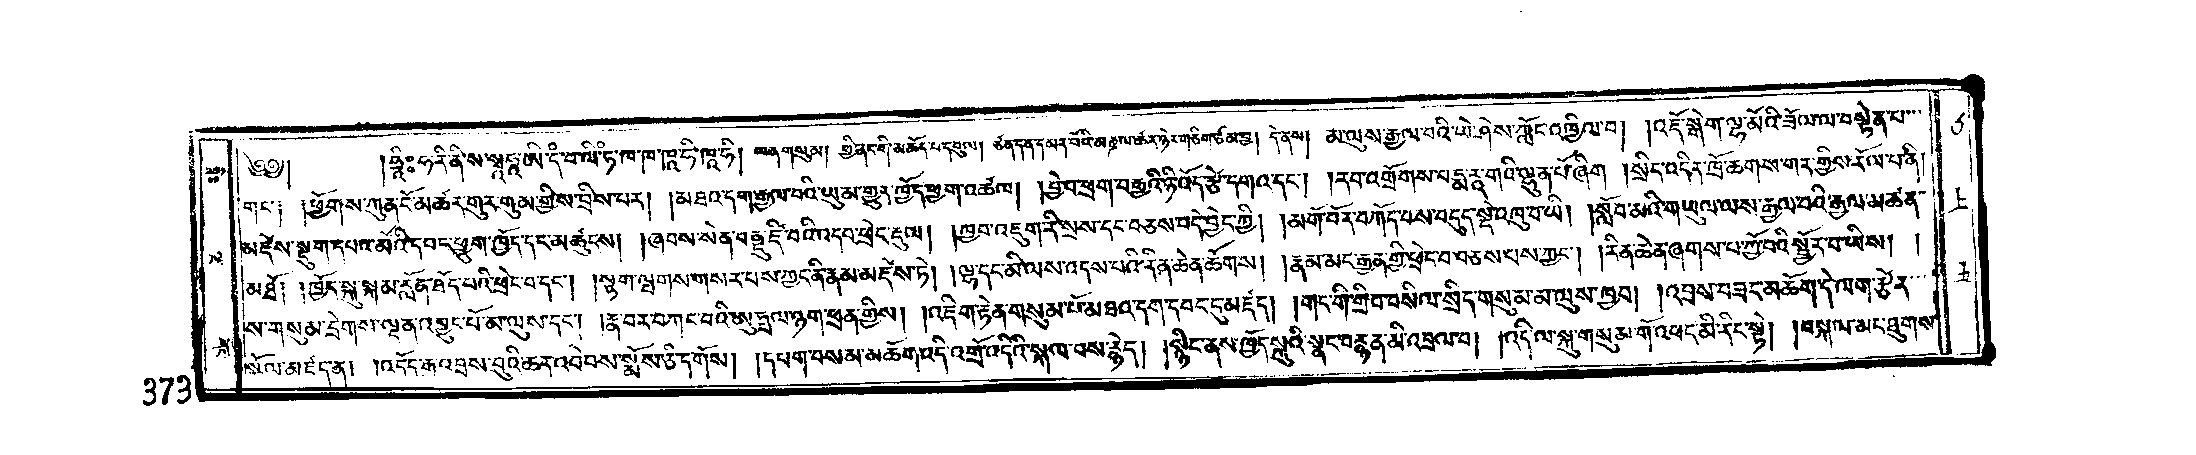༄༅། །ཧྲཱིཿ ཧ་རི་ནི་ས་སྭཱཧཱ་ཨི་དཾ་བ་ལིཾ་ཏ་ཁ་ཁ་ཁཱ་ཧི་ཁཱ་ཧི། ལན་གསུམ། ཕྱི་ནང་གི་མཆོད་པ་དབུལ། ཙན་དན་དམར་པོའི་མཎྜལ་ཚར་ཉེར་གཅིག་ཙམ་བྱ། དེ་ནས། མ་ལུས་རྒྱལ་བའི་ཡེ་ཤེས་ཀློང་འཁྱིལ་བ། །འཇོ་སྒེག་ལྷ་མོའི་ཟོལ་ལ་བསྟེན་པ་
གང་། །ཕྱོགས་ཀུན་ངོ་མཚར་གུར་གུམ་གྱིས་བྲིས་པར། །མཐའ་དག་རྒྱལ་བའི་ཡུམ་གྱུར་ཁྱོད་ཕྱག་འཚལ། །བྱེ་བ་ཕྲག་བརྒྱའི་ཉི་འོད་རྩེ་དགའ་དང་། །རབ་འགྲོགས་པདམ་རཱ་གའི་ལྷུན་པོ་ཞིག །སྲིད་འདིར་ཁྲོ་ཆགས་གར་གྱིས་རོལ་པ་ནི།
མཛེས་སྡུག་དཔའ་མོའི་དབང་ཕྱུག་ཁྱོད་དང་མཚུངས། །ཞབས་སེན་བནྡུ་ཛི་བའི་འདབ་ཕྲེང་རྡུལ། །ཁྱབ་འཇུག་རི་སྲས་དང་བཅས་བདེ་བྱེད་ཀྱི། །མགོ་བོར་བཀོད་པས་བདུད་སྡེ་འཁུ་བ་ཡི། །སློབ་མའི་གཡུལ་ལས་རྒྱལ་བའི་རྒྱལ་མཚན་
མཐོ། །ཁྱོད་སྐུ་སྐམ་རློན་ཐོད་པའི་ཕྲེང་བ་དང་། །སྟག་ལྤགས་གསར་པས་ཀྱང་ནི་རྣམ་མཛེས་ཏེ། །ལྷ་དང་མི་ལས་འདས་པའི་རིན་ཆེན་ཚོགས། །རྣམ་མང་རྒྱན་གྱི་ཕྲེང་བ་བཅས་པས་ཀྱང་། །རིན་ཆེན་ཞགས་པ་ཀྱོ་བའི་སྦྱོར་བ་ཡིས། །
ས་གསུམ་དྲེགས་ལྡན་འབྱུང་པོ་མ་ལུས་དང་། །རྣ་བར་བཀང་བའི་ཨུཏྤལ་ཉག་ཕྲན་གྱིས། །འཇིག་རྟེན་གསུམ་པོ་མཐའ་དག་དབང་དུ་མཛད། །གང་གི་གྲིབ་བསིལ་སྲིད་གསུམ་མ་ལུས་ཁྱབ། །འབྲས་བཟང་མཆོག་དེ་ལག་རྩེར་
སྩོལ་མཛད་ན། །འདོད་རྒ་འབྲས་བུའི་ཆར་འབེབས་སྨོས་ཅི་དགོས། །དཔག་བསམ་མཆོག་འདི་འགྲོ་འདིའི་སྐལ་བས་རྙེད། །སྙིང་ནས་ཁྱོད་སྐུའི་སྣང་བརྙན་མི་འབྲལ་བ། །འདི་ལ་སྐུ་གསུམ་གོ་འཕང་མི་རིང་སྟེ། །བསྐལ་མང་ཐུགས་